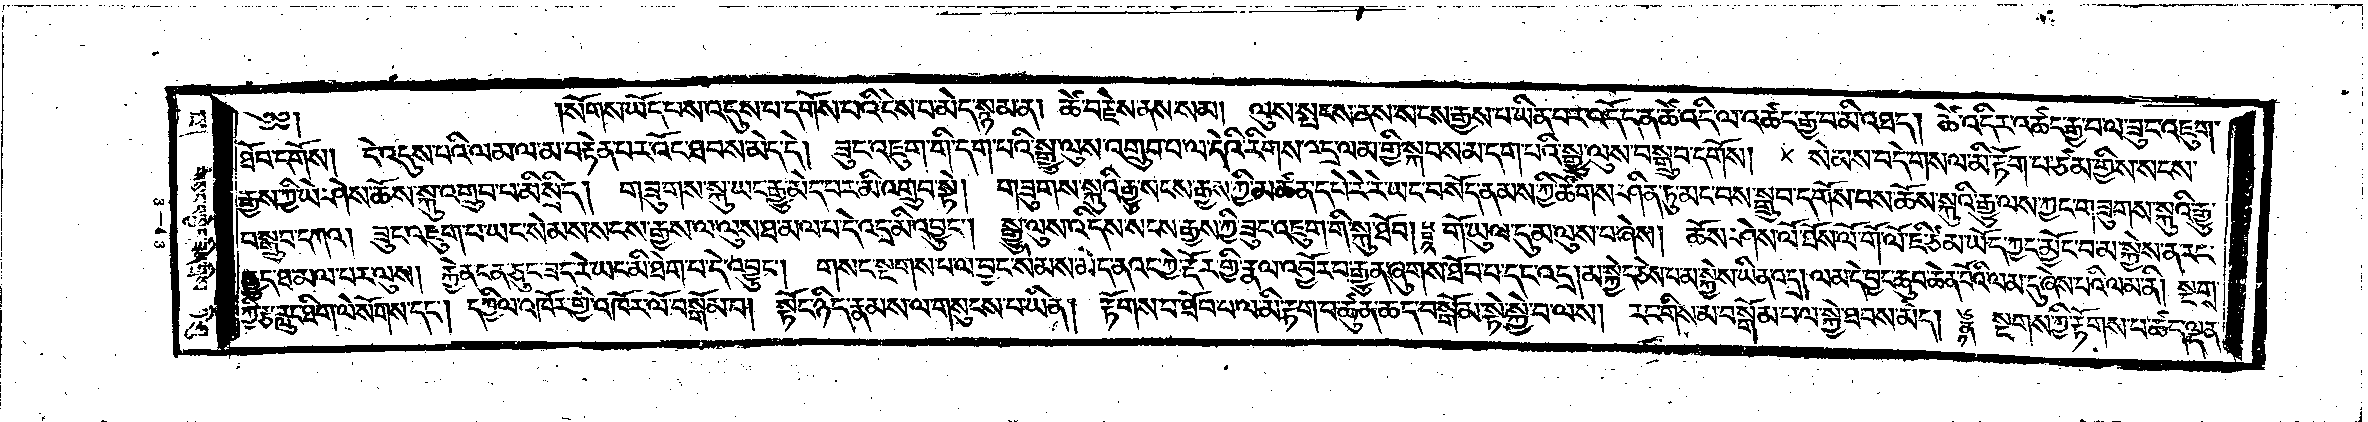༄༅། །སོགས་ཡོད་པས་འདུས་པ་དགོས་པའི་ངེས་བ་མེད་སྙམ་ན། ཚེ་བརྗེས་ནས་སམ། ལུས་སྤངས་ནས་སངས་རྒྱས་པ་ཡིན་པར་འདོད་ན་ཚེ་འདི་ལ་འཚང་རྒྱ་བ་མི་འཐད། ཚེ་འདིར་འཚང་རྒྱ་བ་ལ་ཟུང་འཇུག་
ཐོབ་དགོས། དེ་འདུས་པའི་ལམ་ལ་མ་བརྟེན་པར་འོང་ཐབས་མེད་དེ། ཟུང་འཇུག་གི་དག་པའི་སྒྱུ་ལུས་འགྲུབ་པ་ལ་དེའི་རིགས་འདྲ་ལམ་གྱི་སྐབས་མ་དག་པའི་སྒྱུ་ལུས་བསྒྲུབ་དགོས། ྾་སེམས་བདེ་གསལ་མི་རྟོག་པ་ཙམ་གྱིས་སངས་
རྒྱས་ཀྱི་ཡེ་ཤེས་ཆོས་སྐུ་འགྲུབ་པ་མི་སྲིད། གཟུགས་སྐུ་ཡང་རྒྱུ་མེད་པར་མི་འགྲུབ་སྟེ། གཟུགས་སྐུའི་རྒྱུ་སངས་རྒྱས་ཀྱི་མཚན་དཔེ་རེ་རེ་ཡང་བསོད་ནམས་ཀྱི་ཚོགས་ཤིན་ཏུ་མང་བས་སྒྲུབ་དགོས་པས་ཆོས་སྐུའི་རྒྱུ་ལས་ཀྱང་གཟུགས་སྐུའི་རྒྱུ་
བསྒྲུབ་དཀའ། ཟུང་འཇུག་པ་ཡང་སེམས་སངས་རྒྱས་ལ་ལུས་ཐ་མལ་པ་དེ་འདྲ་མི་འབྱུང་། སྒྱུ་ལུས་འདིས་སངས་རྒྱས་ཀྱི་ཟུང་འཇུག་གི་སྐུ་ཐོབ། ༥བ༢་གོ་ཡུལ་དུ་མ་ལུས་བཞེས། ཆོས་ཤེས་ལོ་ཐོས་ལོ་གོ་ལོ་ཇི་ཙམ་ཡོད་ཀྱང་མྱོང་བ་མ་སྐྱེས་ན་རང་
རྒྱུད་ཐ་མལ་པར་ལུས། རྐྱེན་ངན་ཅུང་ཟད་རེ་ཡང་མི་ཐེག་པ་དེ་འབྱུང་། གསང་སྔགས་པ་ལ་བྱང་སེམས་མེད་ནའང་ཀྱེ་རྡོར་གྱི་རྣལ་འབྱོར་པ་རྒྱུན་ཞུགས་ཐོབ་པ་དང་འདྲ། མ་སྐྱེད་ཅེས་པ་མ་སྐྱེས་ཡིན་འདྲ། ལམ་དེ་བྱང་ཆུབ་ཆེན་པོའི་ལམ་དུ་ཞེས་པའི་ལམ་ནི། སྔགས་
ཀྱི་རྩ་རླུང་ཐིག་ལེ་སོགས་དང་། དཀྱིལ་འཁོར་གྱི་འཁོར་ལོ་བསྒོམ་པ། སྟོང་ཉིད་རྣམས་ལ་གསུངས་པ་ཡིན། རྟོགས་པ་ཐོབ་པ་ལ་མི་རྟག་བ་ཚུན་ཆད་བསྒོམ་སྟེ་སྐྱེ་བ་ལས། རང་གིས་མ་བསྒོམ་པ་ལ་སྐྱེ་ཐབས་མེད། ༦ན༡་སྔགས་ཀྱི་རྟོགས་པ་ཚད་ལྡན་